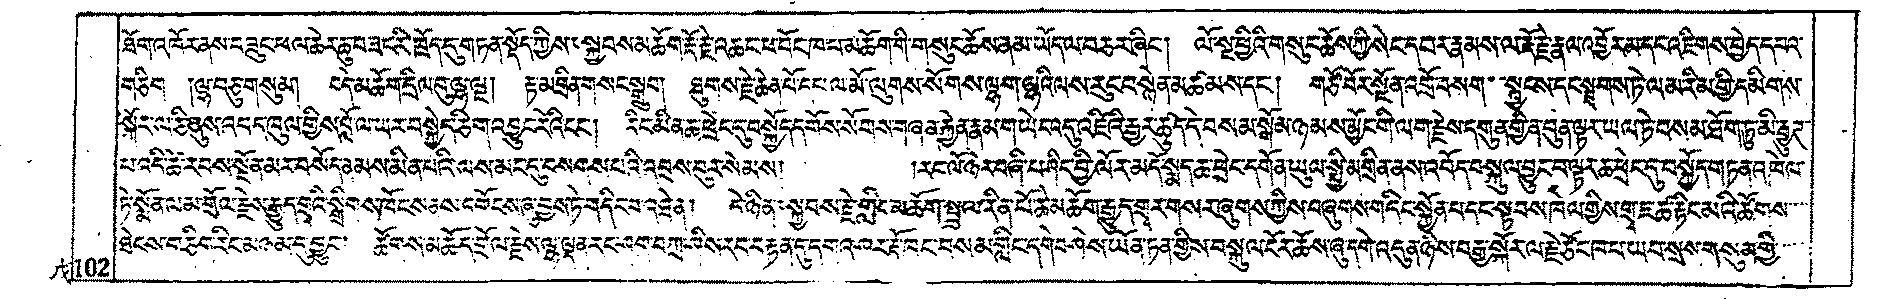ཐོག་འཁོར་ནས་བཟུང་ཕལ་ཆེར་ཆུ་བཟང་རི་ཁྲོད་དུ་གཏན་སྡོད་ཀྱིས་༧སྐྱབས་མཆོག་རྡོ་རྗེ་འཆང་ཕ་བོང་ཁ་པ་མཆོག་གི་གསུང་ཆོས་ནམ་ཡོད་ལ་བཅར་ཞིང་། ལོ་སྔ་ཕྱིའི་གསུང་ཆོས་ཀྱི་སེང་དབར་རྣམས་ལ་རྡོ་རྗེ་རྣལ་འབྱོར་མ་དང་འཇིགས་བྱེད་དཔའ་
གཅིག །ལྷ་བཅུ་གསུམ། བདེ་མཆོག་དྲིལ་བུ་ལྷ་ལྔ། རྟ་མགྲིན་གསང་སྒྲུབ། ཐུགས་རྗེ་ཆེན་པོ་དཔལ་མོ་ལུགས་སོགས་ལྷག་ལྷའི་ལས་རུང་བསྙེན་མཚམས་དང་། གཙོ་བོར་སྔོན་འགྲོ་བསག་སྦྱངས་དང་སྦྲགས་ཏེ་ལམ་རིམ་གྱི་དམིགས་
སྐོར་ལ་ཅི་ནུས་འབད་ཁུལ་གྱིས་བློ་ལ་ཡར་བསྐྱེད་ཅིག་འབྱུང་རེའི་ངང་། རིང་མིན་ཆ་ཕྲེང་དུ་བསྐྱོད་དགོས་སོགས་གཞན་རྐྱེན་རྣམ་གཡེང་འདུ་འཛིའི་རྒྱར་ཚུད་དེ་བསམ་སྒོམ་ཉམས་མྱོང་གི་ལག་རྗེས་དགུན་གྱི་ན་བུན་ལྟར་ཡལ་ཏེ་བསམ་ཐོག་ཏུ་མི་རྒྱུགས་
པ་འདི་ཚེ་རབས་སྔོན་མར་བསོད་ནམས་མིན་པའི་ལས་མང་དུ་བསགས་པའི་འབྲས་བུར་སེམས། །རང་ལོ་ཉེར་བཞི་པ་ཤིང་བྱི་ལོར་མདོ་སྨད་ཆ་ཕྲེང་དགོན་ཡུལ་སྤྱི་མགྲིན་ནས་འབོད་བསྐུལ་བྱུང་བ་ལྟར་ཆ་ཕྲེང་དུ་བསྐྱོད་གཏན་འཁེལ་
ཏེ་སྨོན་ལམ་གྲོལ་རྗེས་རྒྱུད་གྲྭའི་སྒྲིགས་ཁོངས་ནས་དགོངས་ཞུ་བྱས་ཏེ་གདིང་བ་འཐེན། དེ་ཉིན་༧སྐྱབས་རྗེ་གླིང་མཆོག་སྤྲུལ་རིན་པོ་ཆེ་མཆོག་རྒྱུད་གྲྭར་གསར་ཞུགས་ཀྱིས་བཞུགས་གདིང་སྐྱོན་པ་དང་སྟབས་ཁེལ་གྱིས་གྲྭ་ཇ་ཚ་རྟིང་མའི་ཚོགས་
ཐེངས་གཅིག་རིང་མཉམ་དུ་བྱུང་། ཚོགས་མཆོད་གྲོལ་རྗེས་ལྷ་ལྡན་རང་ཤག་བཀྲ་ཤིས་རབ་བརྟན་དུ་དགའ་ཤར་རྡོ་ཁང་བསམ་གླིང་དགེ་བཤེས་ཡོན་ཏན་གྱིས་བསྐུལ་ངོར་ཆོས་ཞུ་དགེ་འདུན་ཉིས་བརྒྱ་སྐོར་ལ་རྗེ་ཙོང་ཁ་པ་ཡབ་སྲས་གསུམ་གྱི་